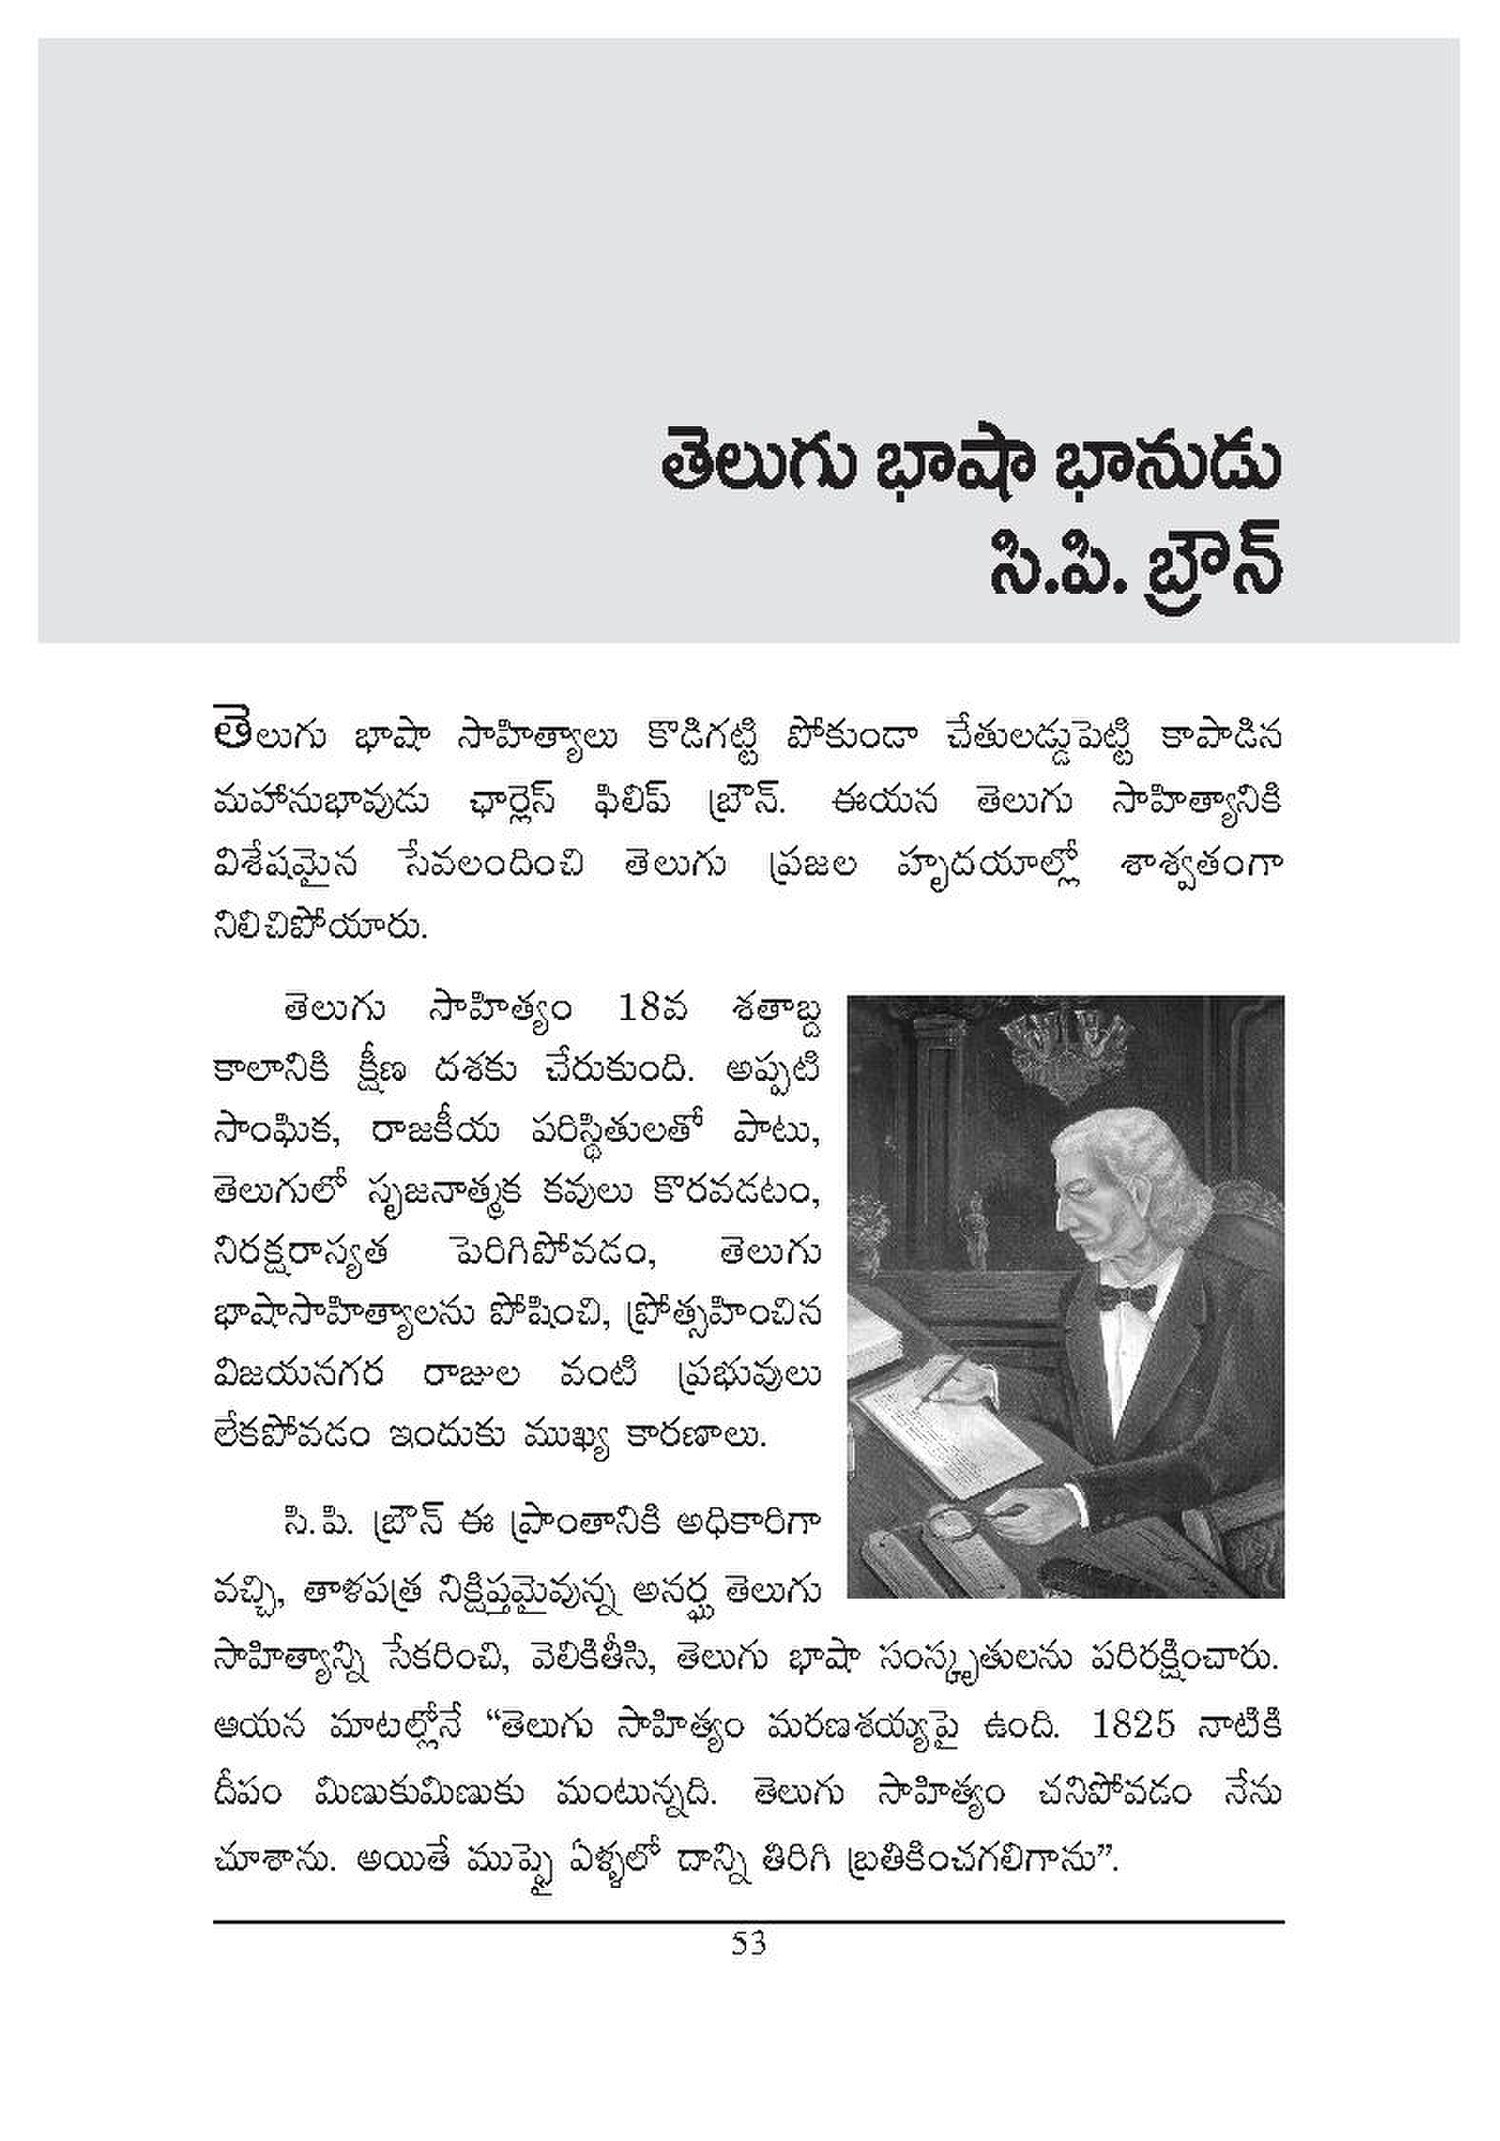తెలుగు భాషా భానుడు 
సి. పి. బ్రౌన్

తెలుగు భాషా సాహిత్యాలు కొడిగట్టి పోకుండా చేతులడ్డుపెట్టి కాపాడిన మహానుభావుడు ఛార్లెస్ ఫిలిప్ బ్రౌన్. ఈయన తెలుగు సాహిత్యానికి విశేషమైన సేవలందించి తెలుగు ప్రజల హృదయాల్లో శాశ్వతంగా నిలిచిపోయారు.

తెలుగు సాహిత్యం 18వ శతాబ్ద కాలానికి క్షీణ దశకు చేరుకుంది. అప్పటి సాంఘిక, రాజకీయ పరిస్థితులతో పాటు, తెలుగులో సృజనాత్మక కవులు కొరవడటం, నిరక్షరాస్యత పెరిగిపోవడం, తెలుగు భాషాసాహిత్యాలను పోషించి, ప్రోత్సహించిన విజయనగర రాజుల వంటి ప్రభువులు ఆ లేకపోవడం ఇందుకు ముఖ్య కారణాలు.

సి.పి. బ్రౌన్ ఈ ప్రాంతానికి అధికారిగా వచ్చి, తాళపత్ర నిక్షిప్తమైవున్న అనర్ఘ తెలుగు సాహిత్యాన్ని సేకరించి, వెలికితీసి, తెలుగు భాషా సంస్కృతులను పరిరక్షించారు. ఆయన మాటల్లోనే "తెలుగు సాహిత్యం మరణశయ్యపై ఉంది. 1825 నాటికి దీపం మిణుకుమిణుకు మంటున్నది. తెలుగు సాహిత్యం చనిపోవడం నేను చూశాను. అయితే ముప్పె ఏళ్ళలో దాన్ని తిరిగి బ్రతికించగలిగాను".